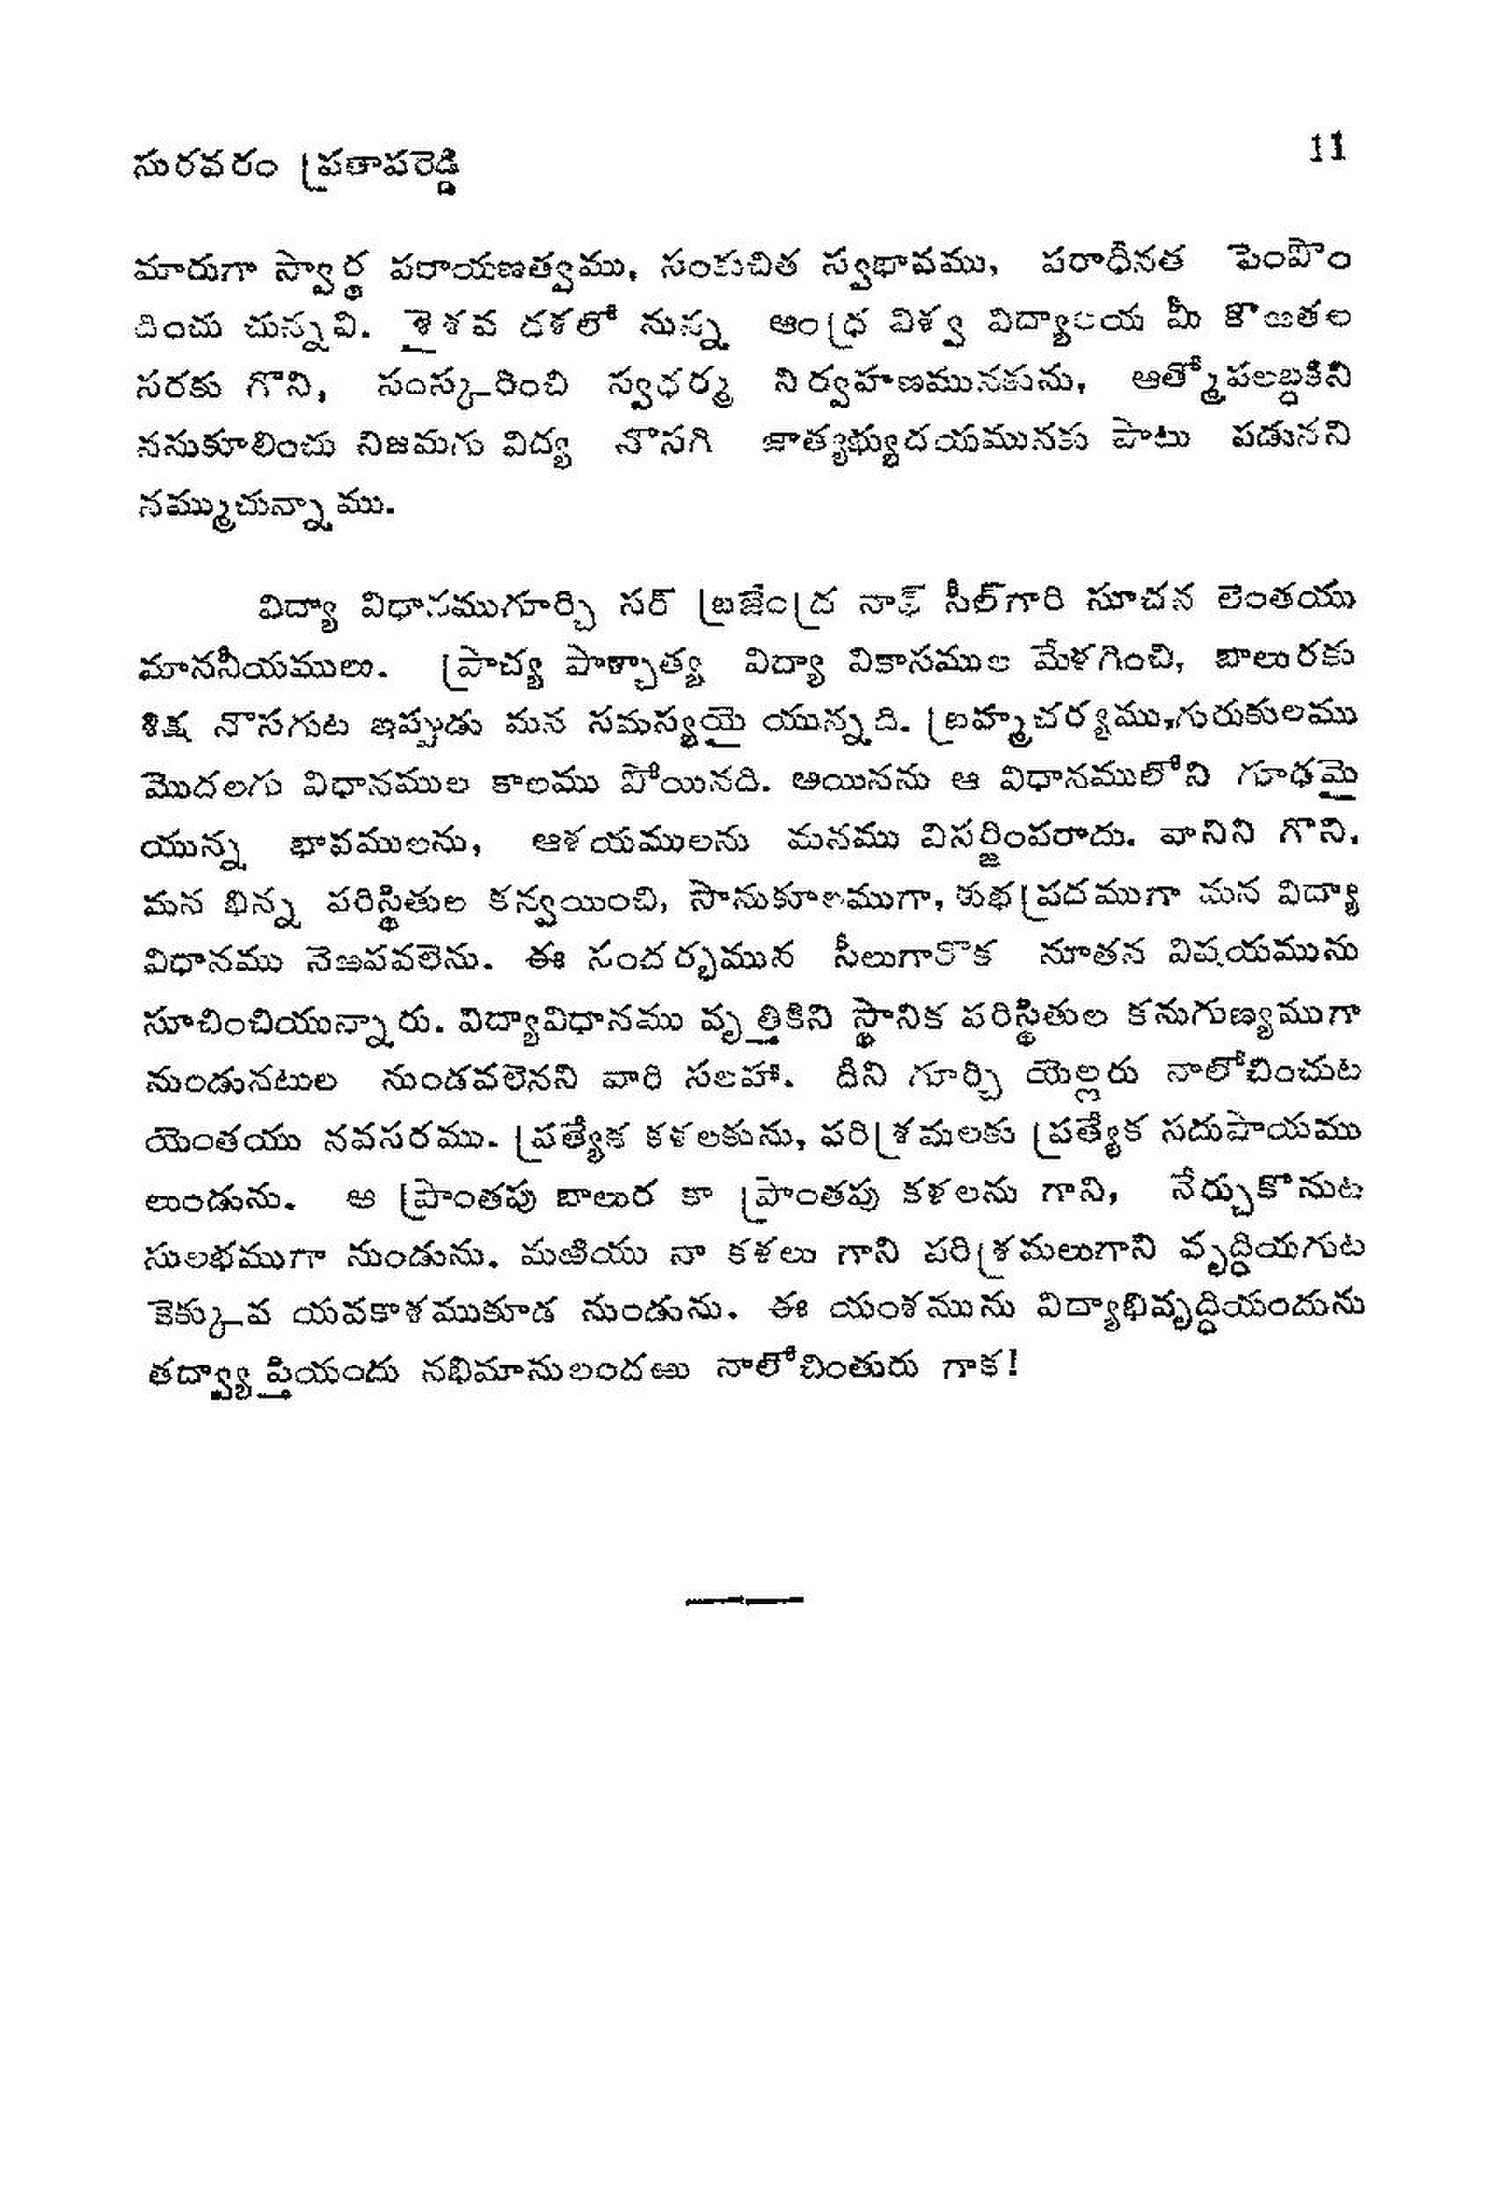మారుగా స్వార్థ పరాయణత్వము, సంకుచిత స్వభావము, పరాధీనత పెంపొందించు చున్నవి. శైశవ దశలో నున్న ఆంధ్ర విశ్వ విద్యాలయ మీ కొఱతల సరకు గొని, సంస్కరించి స్వధర్మ నిర్వహణమునకును, ఆత్మోపలబ్ధకిని
ననుకూలించు నిజమగు విద్య నొసగి జాత్యభ్యుదయమునకు పాటు పడునని నమ్ముచున్నాము.

విద్యా విధానముగూర్చి సర్ బ్రజేంద్ర నాథ్ సీల్‌గారి సూచన లెంతయు మాననీయములు. ప్రాచ్య పాశ్చాత్య విద్యా వికాసముల మేళగించి, బాలురకు శిక్ష నొసగుట ఇప్పుడు మన సమస్యయై యున్నది. బ్రహ్మచర్యము,గురుకులము
మొదలగు విధానముల కాలము పోయినది. అయినను ఆ విధానములోని గూఢమైయున్న భావములను, ఆశయములను మనము విసర్జింపరాదు. వానిని గొని, మన భిన్న పరిస్థితుల కన్వయించి, సానుకూలముగా, శుభప్రదముగా మన విద్యా విధానము నెఱపవలెను. ఈ సందర్భమున సీలుగారొక నూతన విషయమును
సూచించియున్నారు. విద్యావిధానము వృత్తికిని స్థానిక పరిస్థితుల కనుగుణ్యముగా నుండునటుల నుండవలెనని వారి సలహా. దీని గూర్చి యెల్లరు నాలోచించుట యెంతయు నవసరము. ప్రత్యేక కళలకును, పరిశ్రమలకు ప్రత్యేక సదుపాయము లుండును. ఆ ప్రాంతపు బాలుర కా ప్రాంతపు కళలను గాని, నేర్చుకొనుట సులభముగా నుండును. మఱియు నా కళలు గాని పరిశ్రమలుగాని వృద్ధియగుట కెక్కువ యవకాశముకూడ నుండును. ఈ యంశమును విద్యాభివృద్ధియందును తద్వ్యాప్తియందు నభిమానులందఱు నాలోచింతురు గాక!